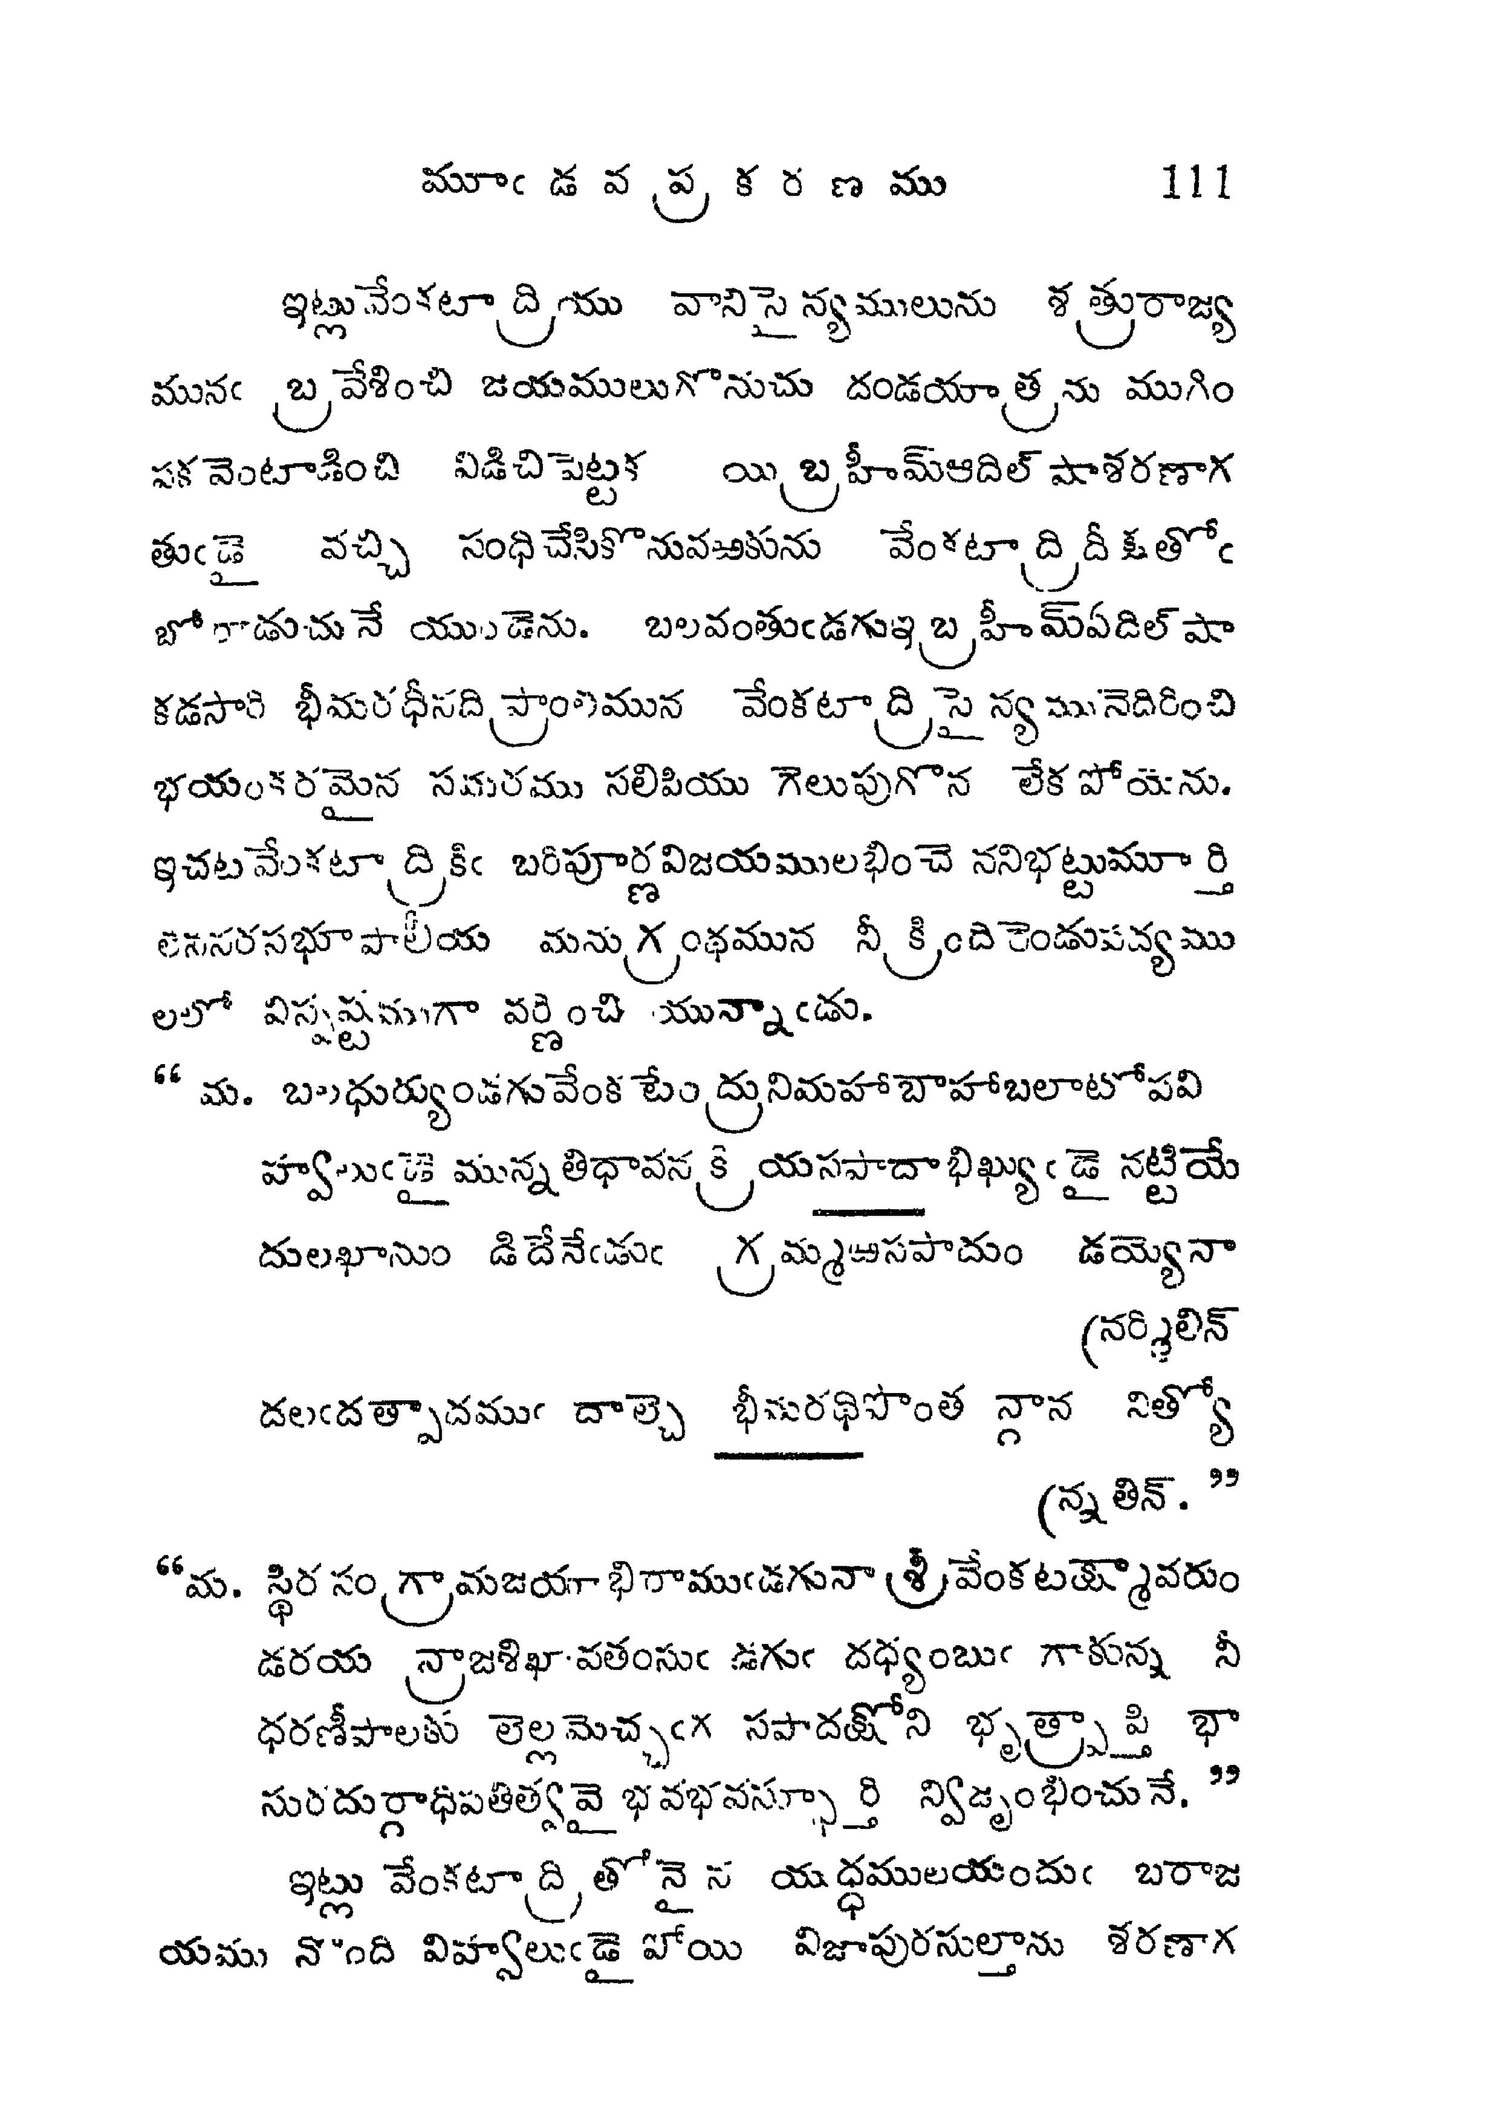ఇట్లువేంకటాద్రియు వానిసైన్యములును శత్రురాజ్యమున బ్రవేశించి జయములుగొనుచు దండయాత్రను ముగింపకవెంటాడించి విడిచిపెట్టక యిబ్రహీమ్‌ఆదిల్‌షా శరణాగతుడై వచ్చి సంధిచేసికొనువఱకును వేంకటాద్రిదీక్షతో బోరాడుచునే యుండెను. బలవంతుడగు ఇబ్రహీమ్‌ఏదిల్‌షా కడసారి భీమరధీనది ప్రాంతమున వేంకటాద్రిసైన్యమునెదిరించి భయంకరమైన సమరము సలిపియు గెలుపుగొన లేకపోయెను. ఇచట వేంకటాద్రికి బరిపూర్ణవిజయములభించె ననిభట్టుమూర్తి తననరసభూపాలీయ మనుగ్రంథమున నీక్రింది రెండుపద్యములలో విస్పష్టముగా వర్ణించి యున్నాడు.

 "మ. బలధుర్యుండగువేంకటేంద్రునిమహాబాహాబలాటోపవి
 హ్వలుడై మున్నతిధావనక్రియసపాదాభిఖ్యుడై నట్టియే
 దులఖానుం డిదేనేడు గ్రమ్మఱసపాదుం డయ్యెనానర్మిలిన్
 దలదత్పాదము దాల్చె భీమరథిపొంత న్గాన నిత్యోన్నతిన్."

 "మ. స్థిర సంగ్రామజయాభిరాముడగునా శ్రీవేంకటక్ష్మావరుం
 డరయ వ్రాజశిఖావతంసు డగు దధ్యంబు గాకున్న నీ
 ధరణీపాలకు లెల్లమెచ్చగ సపాదక్షోని భృత్ర్పాప్తి భా
 సురదుర్గాధిపతిత్వవైభవభవస్ఫూర్తి న్విజృంభించునే."

ఇట్లు వేంకటాద్రితోనైన యుద్ధములయందు బరాజయము నొంది విహ్వలుడై పోయి విజాపురసుల్తాను శరణాగ